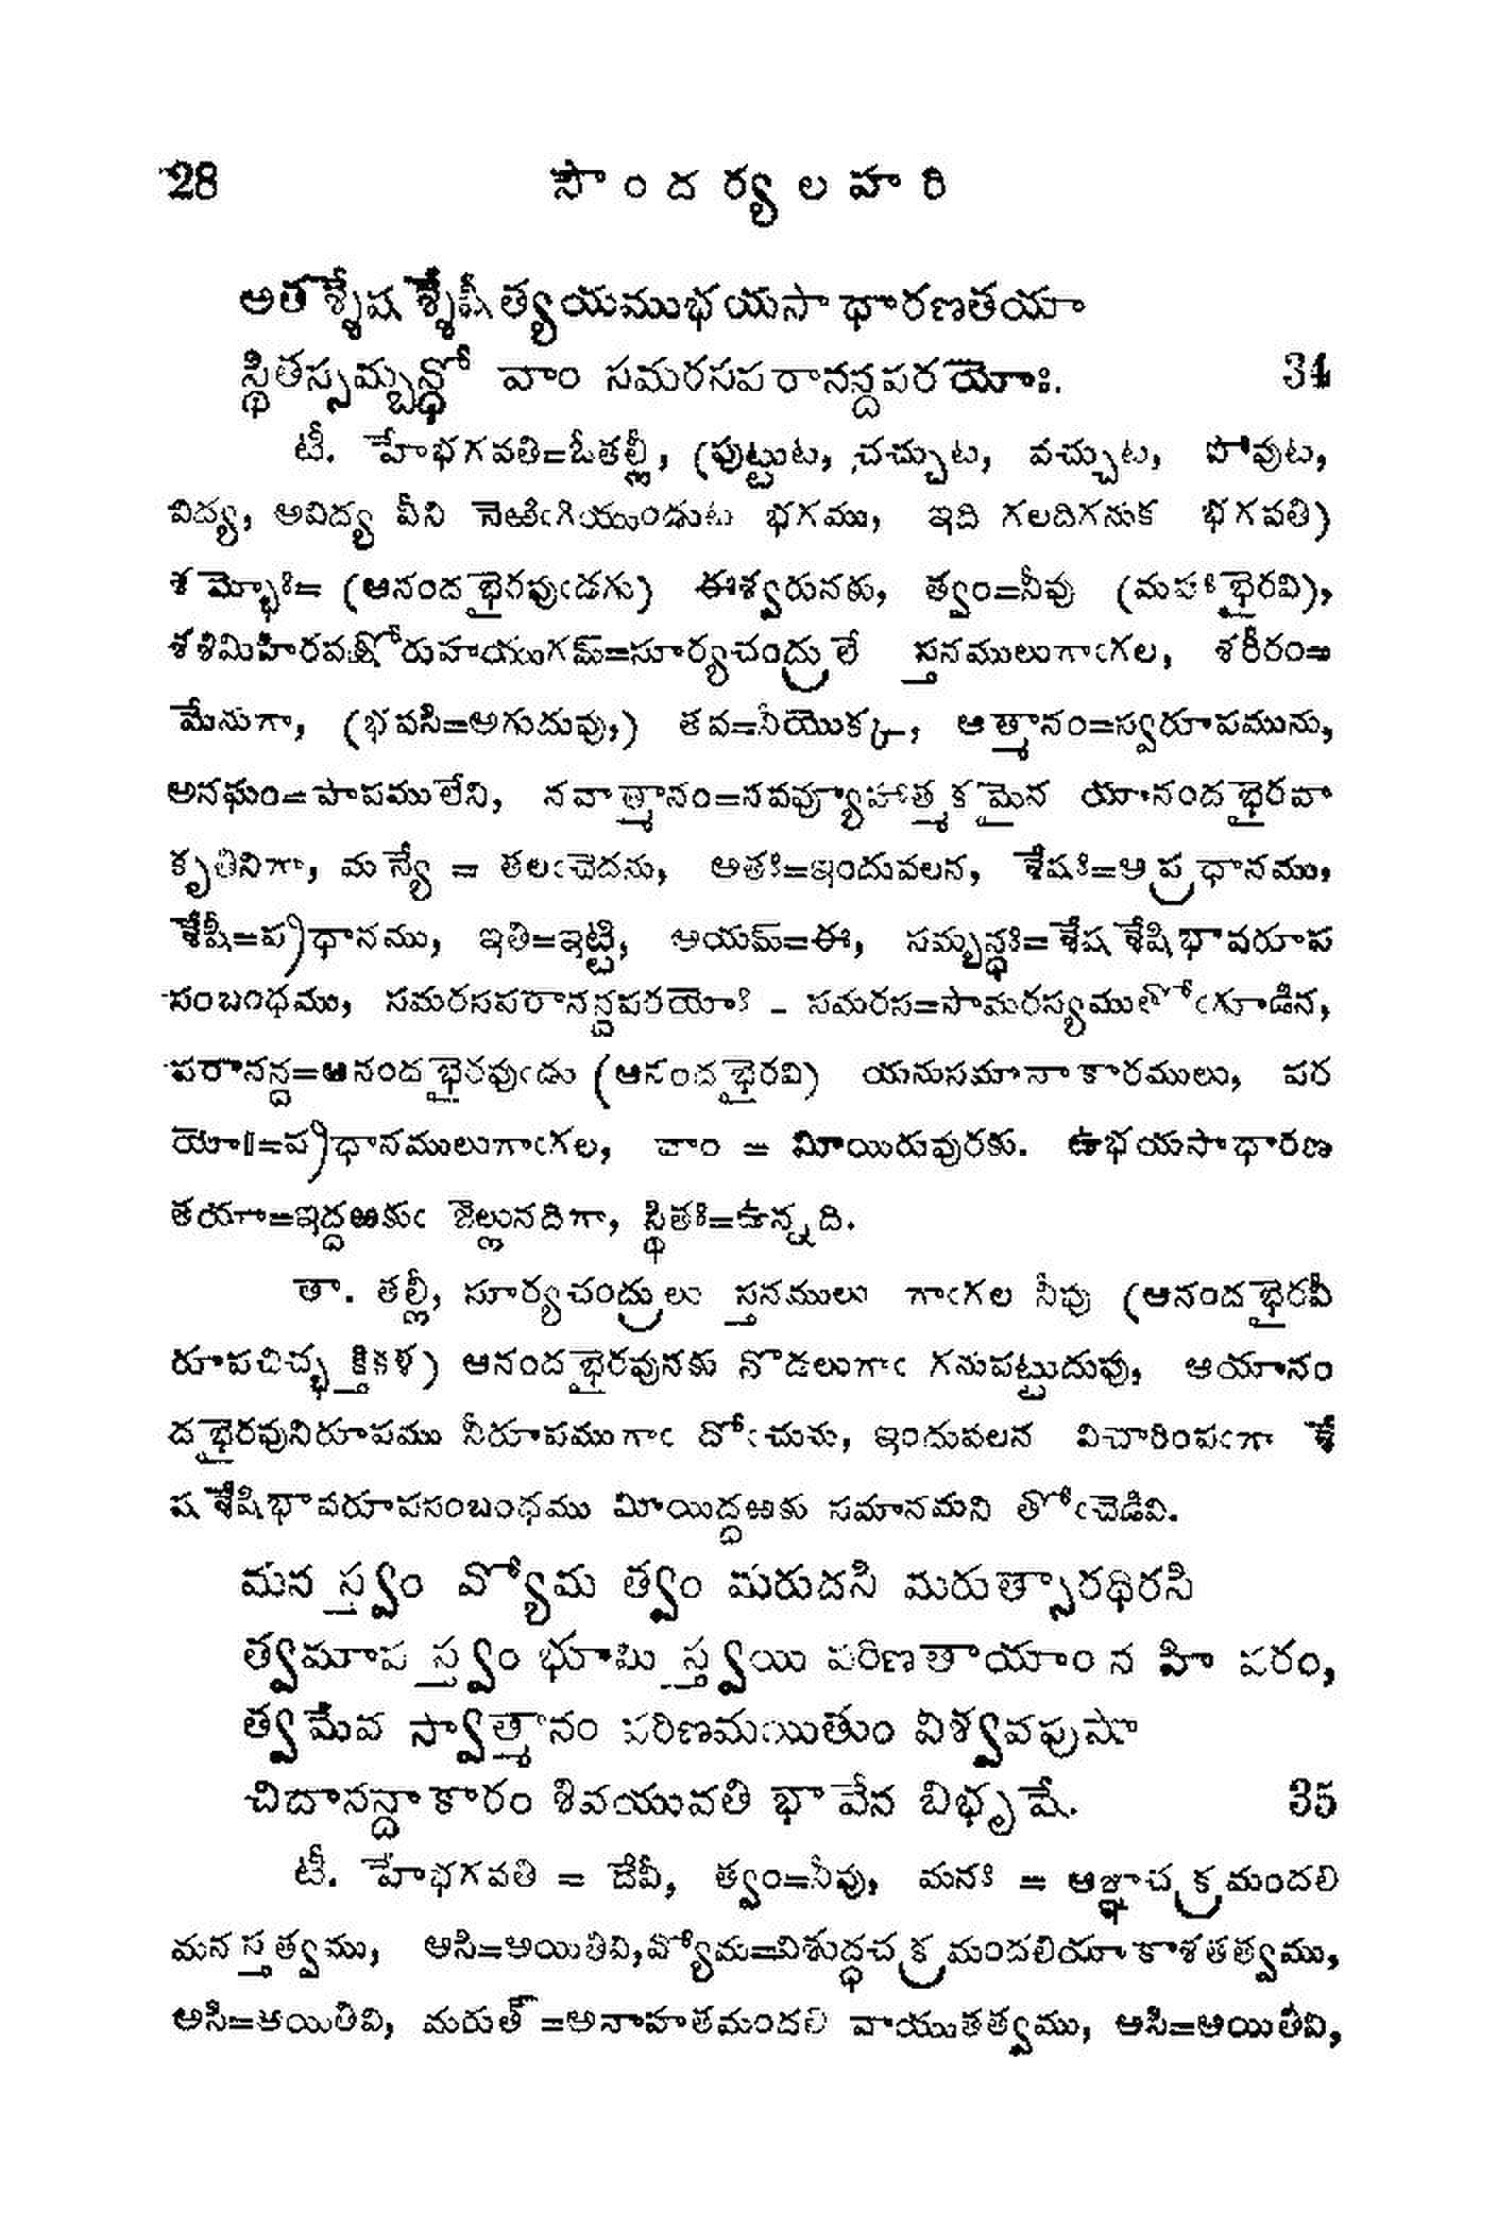అతశ్శేషశ్శేషీత్యయముభయసాధారణతయా
స్థితస్సమ్బన్ధో వాం సమరసపరానన్దపరయోః. 34
టీ. హేభగవతి = ఓతల్లీ, (పుట్టుట, చచ్చుట, వచ్చుట, పోవుట, విద్య, అవిద్య వీని నెఱిఁగియుండుట భగము, ఇది గలదిగనుక భగవతి) శమ్భోః = (ఆనందభైరవుఁడగు) ఈశ్వరునకు, త్వం = నీవు (మహాభైరవి), శశిమిహిరవక్షోరుహయుగమ్ = సూర్యచంద్రులే స్తనములుగాఁగల, శరీరం = మేనుగా, (భవసి = అగుదువు,) తవ = నీయొక్క, ఆత్మానం = స్వరూపమును, అనఘం = పాపములేని, నవాత్మానం = నవవ్యూహాత్మకమైన యానందభైరవాకృతినిగా, మన్యే = తలఁచెదను, అతః = ఇందువలన, శేషః = అప్రధానము, శేషీ = ప్రధానము, ఇతి = ఇట్టి, అయమ్ = ఈ, సమ్బన్ధః = శేషశేషిభావరూప సంబంధము, సమరసపరానన్దపరయోః-సమరస = సామరస్యముతోఁగూడిన, పరానన్ద = ఆనందభైరవుఁడు (ఆనందభైరవి) యనుసమానాకారములు, పరయోః = ప్రధానములుగాఁగల, వాం = మీయిరువురకు, ఉభయసాధారణతయా = ఇద్దఱకుఁ జెల్లునదిగా, స్థితః = ఉన్నది.

తా. తల్లీ, సూర్యచంద్రులు స్తనములు గాఁగల నీవు (ఆనందభైరవీరూపచిచ్భక్తికళ) ఆనందభైరవునకు నొడలుగాఁ గనుపట్టుదువు, ఆయానందభైరవునిరూపము నీరూపముగాఁ దోఁచును, ఇందువలన విచారింపఁగా శేషశేషిభావరూపసంబంధము మీయిద్దఱకు సమానమని తోఁచెడివి.

మనస్త్వం వ్యోమ త్వం మరుదసి మరుత్సారథిరసి
త్వమాపస్త్వం భూమిస్త్వయి పరిణతాయాం న హి పరం,
త్వమేవ స్వాత్మానం పరిణమయితుం విశ్వవపుషా
చిదానన్దాకారం శివయువతి భావేన బిభృషే. 35
టీ. హేభగవతి = దేవీ, త్వం = నీవు, మనః = ఆజ్ఞాచక్రమందలి మనస్తత్వము, అసి = అయితివి, వ్యోమ = విశుద్ధచక్రమందలియాకాశతత్వము, అసి = అయితివి, మరుత్ = అనాహతమందలి వాయుతత్వము, అసి = అయితివి,